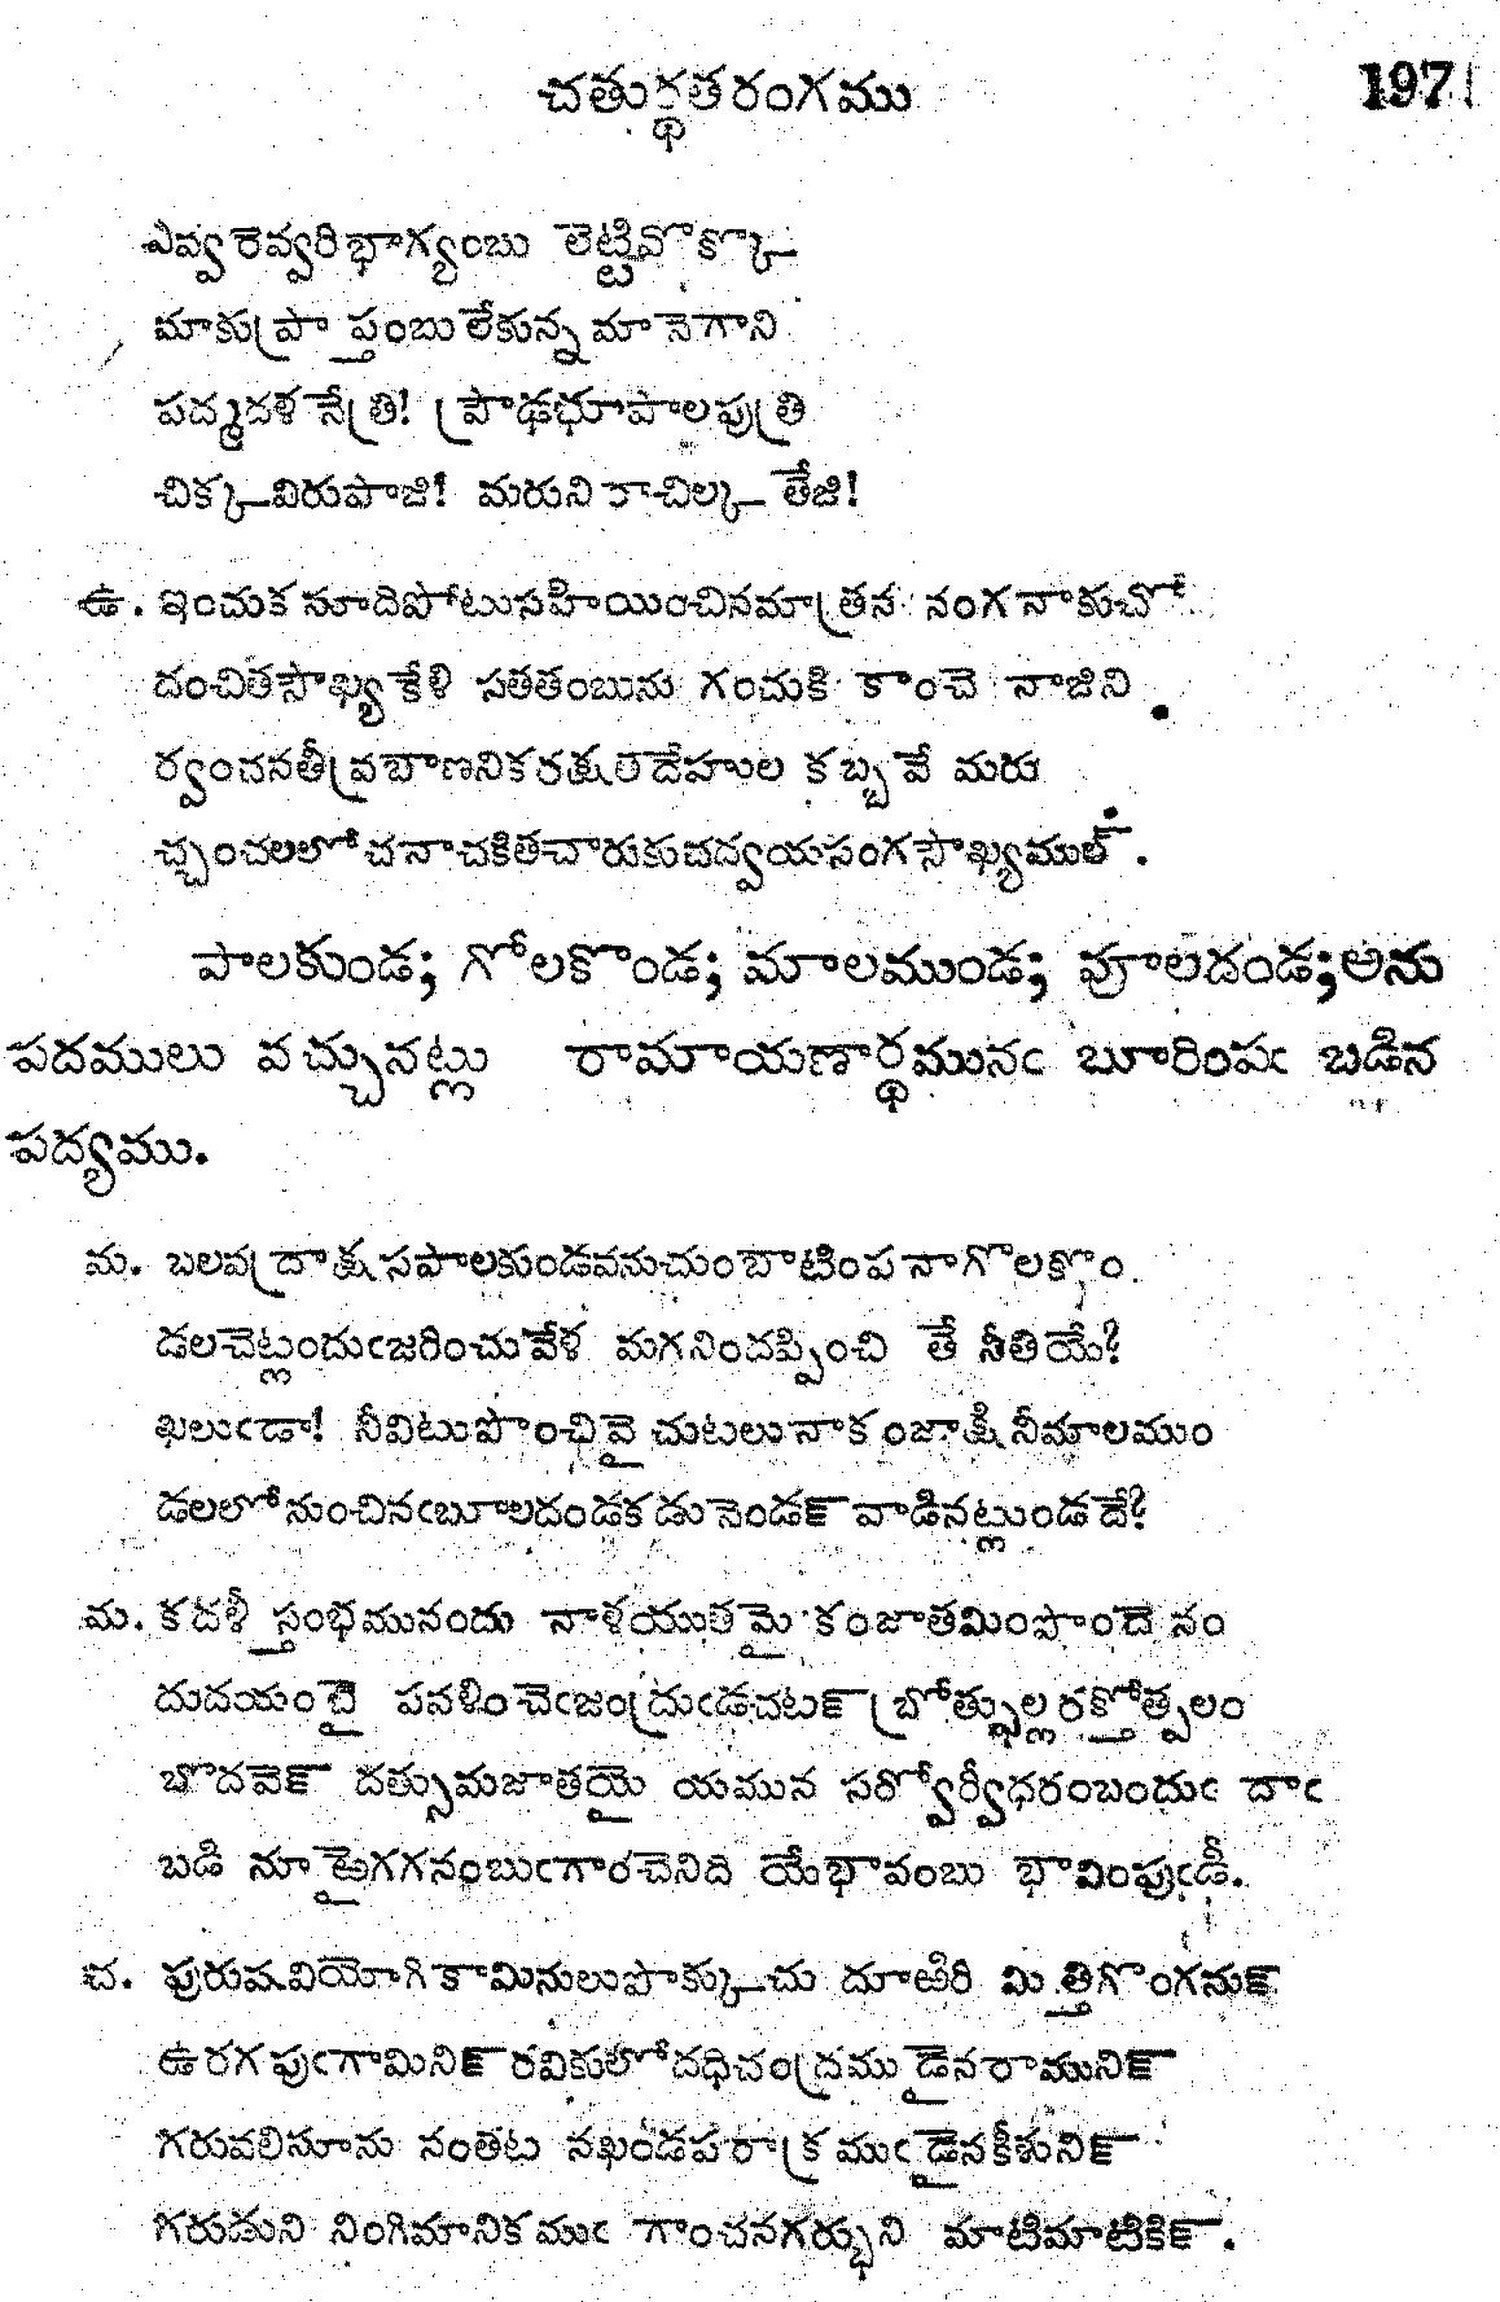ఎవ్వరెవ్వరిభాగ్యంబు లెట్టివొక్కొ
 మాకు ప్రాప్తంబు లేకున్న మానెగాని
 పద్మదళనేత్రి! ప్రౌఢభూపాలపుత్రి!
 చిక్కవిరూపాజి! మరునిరాచిల్కతేజి!

ఉ. ఇంచుక సూదిపోటు సహియించినమాత్రన నంగనాకుచో
 దంచితసౌఖ్యకేళి సతతంబును గంచుకి కాంచె నాజి ని
 ర్వంచనతీవ్రబాణనికరక్షతదేహుల కబ్బవే మరు
 చ్చంచలలోచనాచకితచారుకుచద్వయసంగసౌఖ్యముల్.

పాలకుండ; గోలకొండ; మాలముండ; పూలదండ; యను నాలుగుపదములును వచ్చునట్లు రామాయణార్థమునఁ బూరింపఁబడిన పద్యము

మ. బలవద్రాక్షసపాలకుండ వనుచుం బాటింప నా గొలకొం
 డలచెట్లందుఁ జరించువేళ మగనిం దప్పించి తే నీతియే?
 ఖలుఁడా! నీ విటు పొంచివైచుటలు నా కంజాక్షినీమాలముం
 డలలో నుంచినఁ బూలదండ కడునెండన్ వాడినట్లుండదే?

మ. కదళీస్తంభమునందు నాళయుతమై కంజాత మింపొందె నం
 దుదయంబై పవళించెఁ జంద్రుఁ డచటన్ బ్రోత్ఫుల్లరక్తోత్పలం
 బొదవెన్ దత్సుమజాతయై యమున సర్వోర్వీధరంబందుఁ దాఁ
 బడి నూఱై గగనంబుఁ గాంచె నిది యేభావంబు భావింపుఁడీ.

చ. పురుషవియోగికామినులు పొక్కుచు దూఱిరి మిత్తిగొంగనున్
 ఉరగపుఁగామినిన్ రవికులోదధిచంద్రము డైన రామునిన్
 గరువలిసూను నంతట నఖండపరాక్రమఁ డైన కీశునిన్
 గరుడుని నింగిమానికముఁ గాంచనగర్భుని మాటిమాటికిన్.